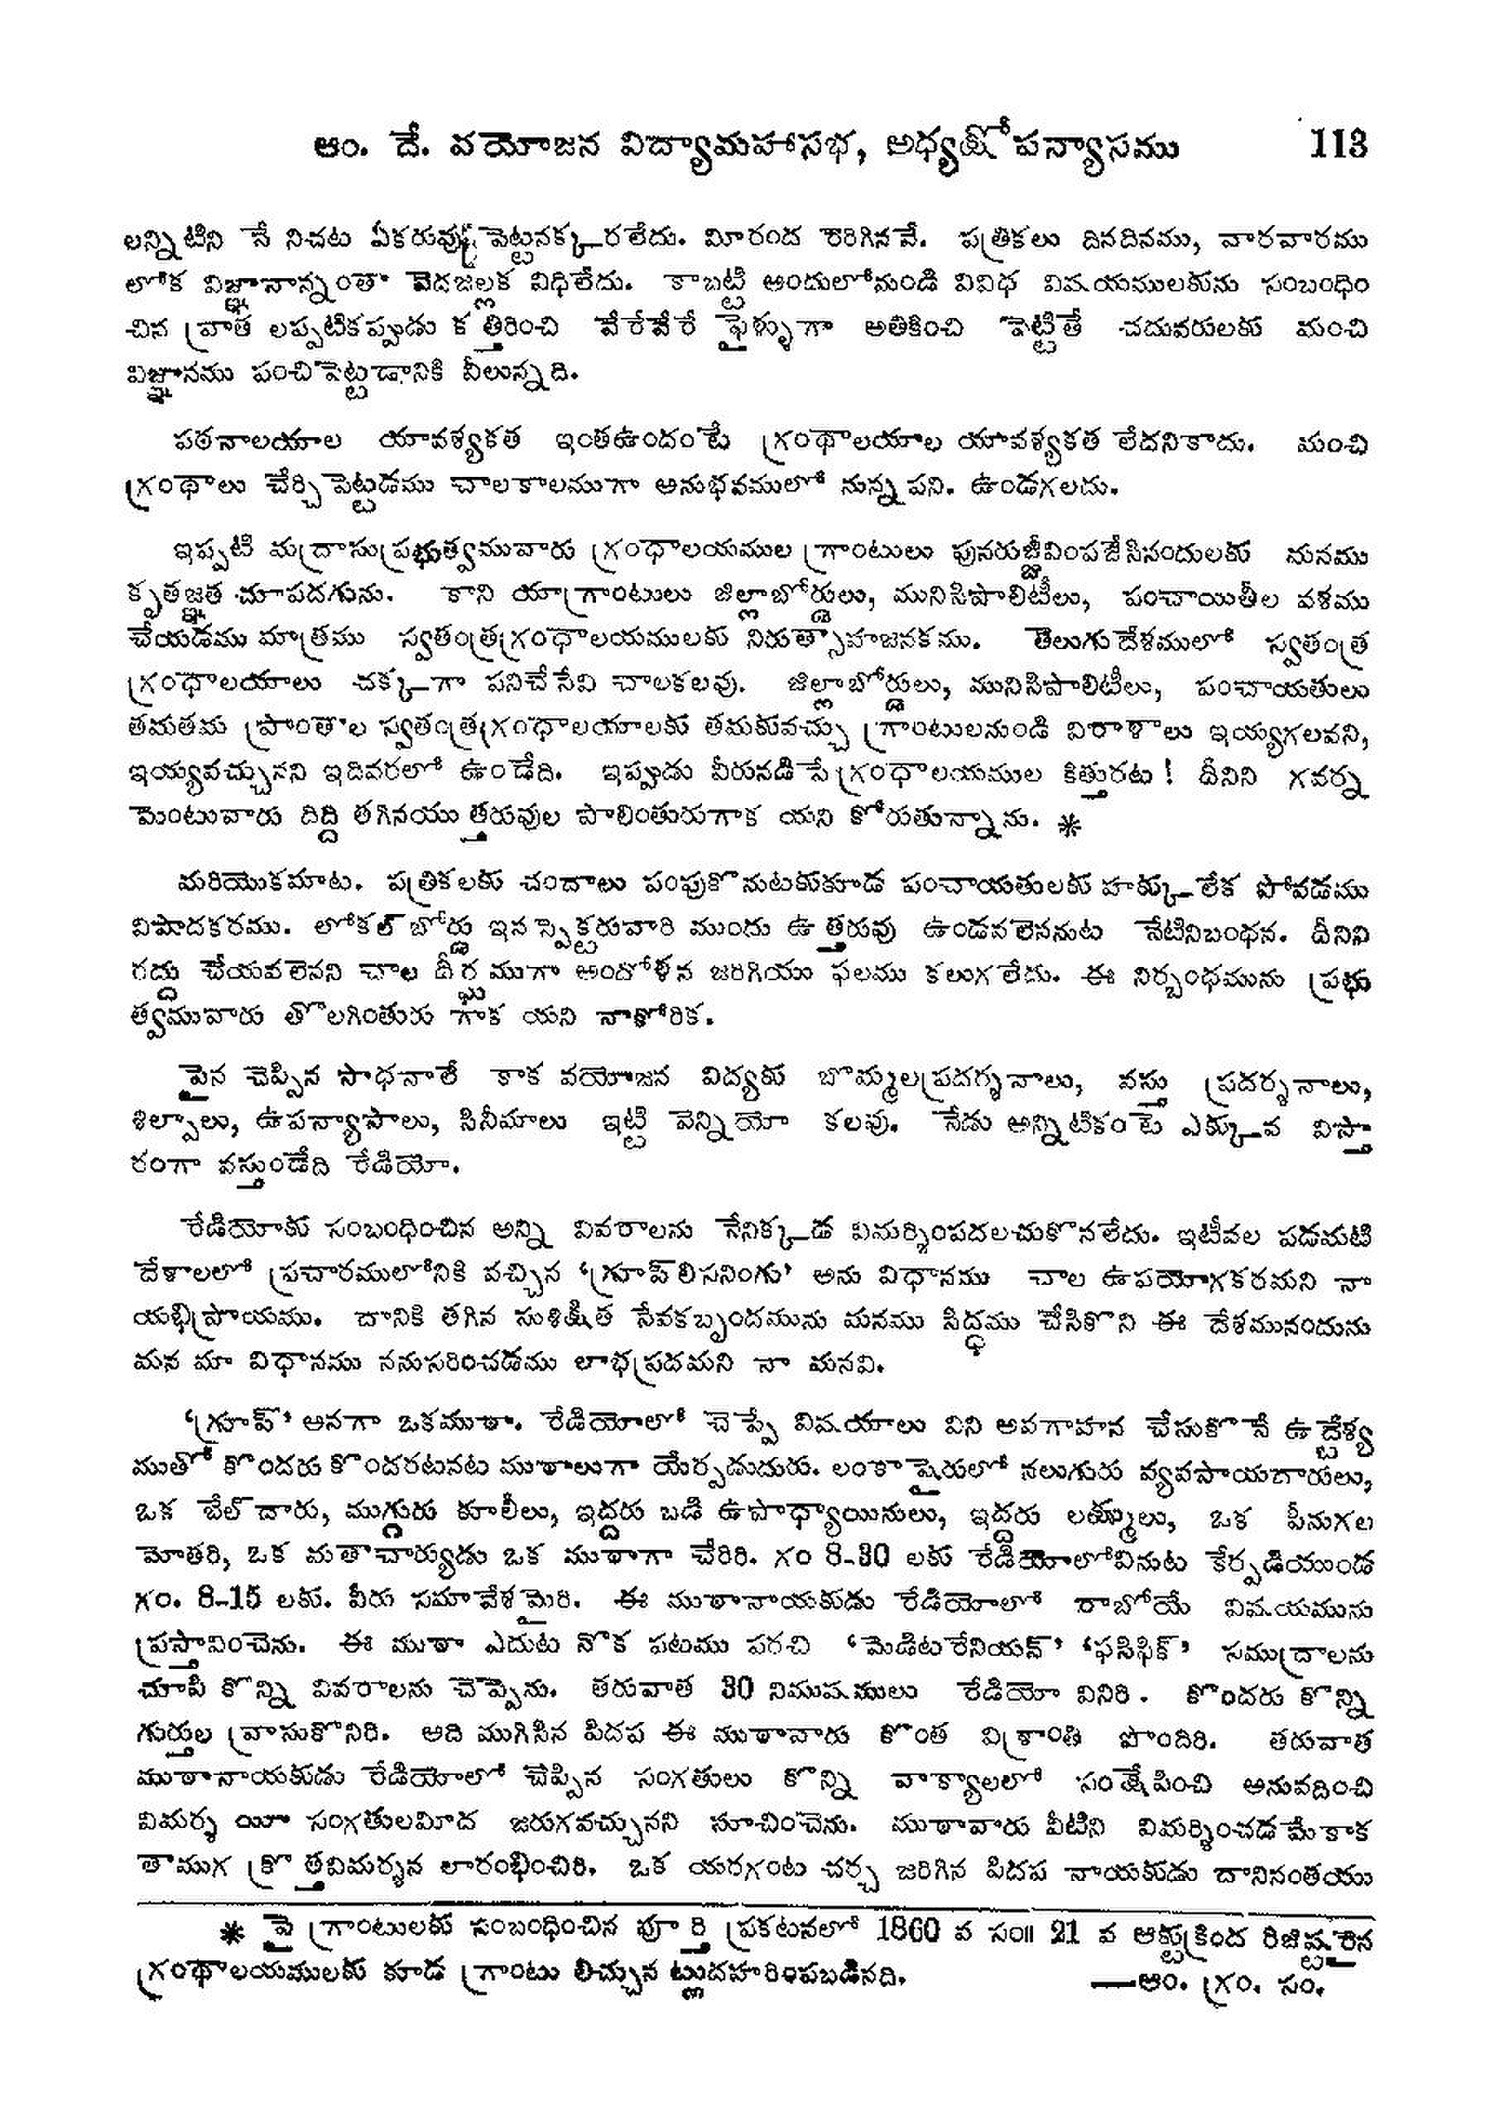లన్నిటిని నే నిచట ఏకరువు పెట్టనక్కరలేదు. మీరంద రెరిగినవే. పత్రికలు దినదినము, వారవారములోక విజ్ఞానాన్నంతా వెదజల్లక విధిలేదు. కాబట్టి అందులోనుండి వివిధ విషయములకును సంబంధించిన వ్రాత లప్పటికప్పుడు కత్తిరించి వేరేవేరే ఫైళ్ళుగా అతికించి పెట్టితే చదువరులకు మంచి విజ్ఞానము పంచి పెట్టడానికి వీలున్నది.

పఠనాలయాల యావశ్యకత ఇంత ఉందంటే గ్రంథాలయాల యావశ్యకత లేదనికాదు. మంచి గ్రంథాలు చేర్చిపెట్టడము చాలకాలముగా అనుభవములో నున్నపని. ఉండగలదు.

ఇప్పటి మద్రాసు ప్రభుత్వమువారు గ్రంధాలయముల గ్రాంటులు పునరుజ్జీవింపజేసినందులకు మనము కృతజ్ఞత చూపదగును. కాని యాగ్రాంటులు జిల్లాబోర్డులు, మునిసిపాలిటీలు, పంచాయితీల వశము చేయడము మాత్రము స్వతంత్రగ్రంధాలయములకు నిరుత్సాహజనకము. తెలుగు దేశములో స్వతంత్ర గ్రంధాలయాలు చక్కగా పనిచేసేవి చాలకలవు. జిల్లాబోర్డులు, మునిసిపాలిటీలు, పంచాయతులు తమతమ ప్రాంతాల స్వతంత్రగ్రంధాలయాలకు తమకువచ్చు గ్రాంటుల నుండి విరాళాలు ఇయ్యగలవని, ఇయ్యవచ్చునని ఇదివరలో ఉండేది. ఇప్పుడు వీరునడిపే గ్రంధాలయముల కీత్తురట! దీనిని గవర్నమెంటువారు దిద్ది తగినయుత్తరువుల పాలింతురుగాక యని కోరుతున్నాను. మరియొకమాట. పత్రికలకు చందాలు పంపుకొనుటకుకూడ పంచాయతులకు హక్కు లేక పోవడము విషాదకరము. లోకల్బోర్డు ఇనస్పెక్టరువారి ముందు ఉత్తరువు ఉండవలెననుట నేటినిబంధన. దీనిని రద్దు చేయవలెనని చాల దీర్ఘముగా ఆందోళన జరిగియు ఫలము కలుగలేదు. ఈ నిర్బంధమును ప్రభుత్వమువారు తొలగింతురు గాక యని నాకోరిక. పైన చెప్పిన సాధనాలే కాక వయోజన విద్యకు బొమ్మల ప్రదర్శనాలు, వస్తు ప్రదర్శనాలు,శిల్పాలు, ఉపన్యాసాలు, సినీమాలు ఇట్టి పెన్నియో కలవు. నేడు అన్నిటికంటే ఎక్కువ విస్తారంగా వస్తుండేది రేడియో.

రేడియోకు సంబంధించిన అన్ని వివరాలను నేనిక్కడ విమర్శింపదలచుకొనలేదు. ఇటీవల పడమటి దేశాలలో ప్రచారములోనికి 
వచ్చిన 'గ్రూప్ లిసనింగు' అను విధానము చాల ఉపయోగకరమని నా యభిప్రాయము. దానికి తగిన సుశిక్షిత సేవకబృందమును 
మనము సిద్ధము చేసికొని ఈ దేశమునందును మన మా విధానము ననుసరించడము లాభప్రదమని నా మనవి.

'గ్రూప్' అనగా ఒక ముఠా. రేడియోలో చెప్పేవిషయాలు విని అవగాహన చేసుకొనే ఉద్దేశ్యముతో కొందరు కొందరటనట ముఠాలుగా యేర్పదుదురు. లంకా షైరులో నలుగురు వ్యవసాయదారులు, ఒక బేల్ దారు, ముగ్గురు కూలీలు, ఇద్దరు బడి ఉపాధ్యాయినులు, ఇద్దరు లక్ష్ములు , ఒక పీనుగల మోతరి, ఒక మతాచార్యుడు ఒక ముఠాగా చేరిరి. గం 8-30 లకు రేడియోలోవినుట కేర్పడియుండ గ.8-15 లకు. వీరు సమావేశమైరి. ఈ ముఠానాయకుడు రేడియోలో రాబోయే విషయమును ప్రస్తావించెను. ఈ ముఠా ఎదుట నొక పటము పరచి 'మెడిటరేనియన్' 'ఫసిఫిక్' సముద్రాలను చూపి కొన్ని వివరాలను చెప్పెను. అది ముగిసిన పిదప ఈ ముఠావారు కొంత విశ్రాంతి పొందిరి. తరువాత 30 నిముషములు రేడియో చెప్పిన కొన్ని వాక్యాలలో సంక్షేపించి అనువదించి విమర్శయీ సంగతులమీద జరుగవచ్చునని సూచించెను. ముఠావారు వీటిని విమర్శించడమేకాక తాముగ క్రొత్తవిమర్శన లారంభించిరి. ఒక యరగంట చర్చజరిగిన పిదప నాయకుడు దానినంతయు